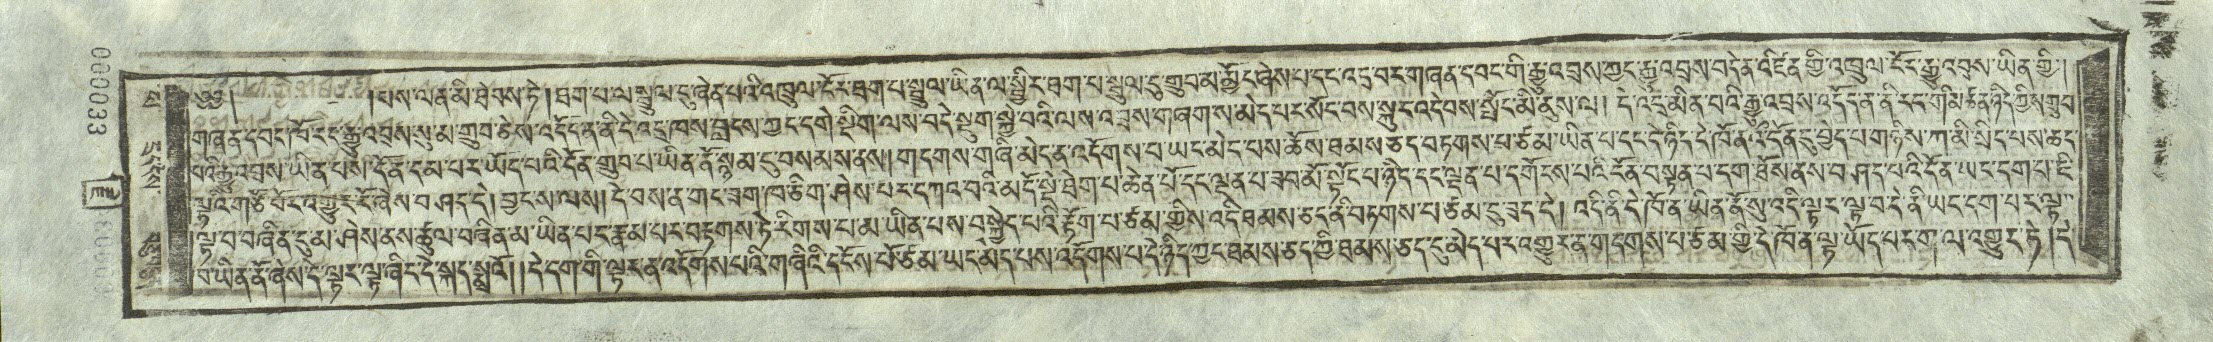༄༅། །པས་ལན་མི་ཐེབས་ཏེ། ཐག་པ་ལ་སྤྲུལ་དུ་ཞེན་པའི་འཁྲུལ་ངོར་ཐག་པ་སྦྲུལ་ཡིན་ལ་སྤྱིར་ཐག་པ་སྦྲུལ་དུ་གྲུབ་མ་མྱོང་ཞེས་པ་དང་འདྲ་བར་གཞན་དབང་གི་རྒྱུ་འབྲས་ཀྱང་རྒྱུ་འབྲས་བདེན་འཛིན་གྱི་འཁྲུལ་ངོར་རྒྱུ་འབྲས་ཡིན་གྱི།
གཞན་དབང་ཁོ་རང་རྒྱུ་འབྲས་སུ་མ་གྲུབ་ཅེས་འདོད་ན་ནི་དེ་འདྲ་ཁས་བླངས་ཀྱང་དགེ་སྡིག་ལས་བདེ་སྡུག་སྐྱེ་བའི་ལས་འབྲས་གཞག་ས་མེད་པར་སོང་བས་སྐུར་འདེབས་སྤོང་མི་ནུས་ལ། དེ་འདྲ་མིན་པའི་རྒྱུ་འབྲས་འདོད་ན་ནི་རང་གྀ་?་མཚན་ཉིད་ཀྱིས་གྲུབ་
པའི་རྒྱུ་འབྲས་ཡིན་པས་དོན་དམ་པར་ཡོད་པའི་དོན་གྲུབ་པ་ཡིན་ནོ་སྙམ་དུ་བསམས་ནས། གདགས་གཞི་མེད་ན་འདོགས་པ་ཡང་མེད་པས་ཆོས་ཐམས་ཅད་བཏགས་པ་ཙམ་ཡིན་པ་དང་དེ་ཉིད་དེ་ཁོ་ནཱྀ་?་དོན་དུ་བྱེད་པ་གཉིས་ཀ་མི་སྲིད་པས་ཆད་
ལྟའི་གཙོ་བོར་འགྱུར་རོ་ཞེས་བཤད་དེ། བྱང་ས་ལས། དེ་བས་ན་གང་ཟག་ཁ་ཅིག་ཤེས་པར་དཀའ་བའི་མདོ་སྡེ་ཐེག་པ་ཆེན་པོ་དང་ལྡན་པ་ཟབ་མོ་སྟོང་པ་ཉིད་དང་ལྡན་པ་དགོངས་པའི་དོན་བསྟན་པ་དག་ཐོས་ནས་བཤད་པའི་དོན་ཡང་དག་པ་ཇི་
ལྟ་བ་བཞིན་དུ་མ་ཤེས་ནས་ཚུལ་བཞིན་མ་ཡིན་པར་རྣམ་པར་བརྟགས་ཏེ་རིགས་པ་མ་ཡིན་པས་བསྐྱེད་པའི་རྟོག་པ་ཙམ་གྱིས་འདི་ཐམས་ཅད་ནི་བཏགས་པ་ཙམ་དུ་ཟད་དེ། འདི་ནི་དེ་ཁོ་ན་ཡིན་ནོ་སུ་འདི་ལྟར་ལྟ་བ་དེ་ནི་ཡང་དག་པར་ལྟ་
བ་ཡིན་ནོ་ཞེས་དེ་ལྟར་ལྟ་ཞིང་དེ་སྐད་སྨྲའོ། །དེ་དག་གི་ལྟར་ན་འདོགས་པའི་གཞིའི་དངོས་པོ་ཙམ་ཡང་མེད་པས་འདོགས་པ་དེ་ཉིད་ཀྱང་ཐམས་ཅད་ཀྱི་ཐམས་ཅད་དུ་མེད་པར་འགྱུར་ན་གདགས་པ་ཙམ་གྱི་དེ་ཁོ་ན་ལྟ་ཡོད་པར་ག་ལ་འགྱུར་ཏེ། དེ་